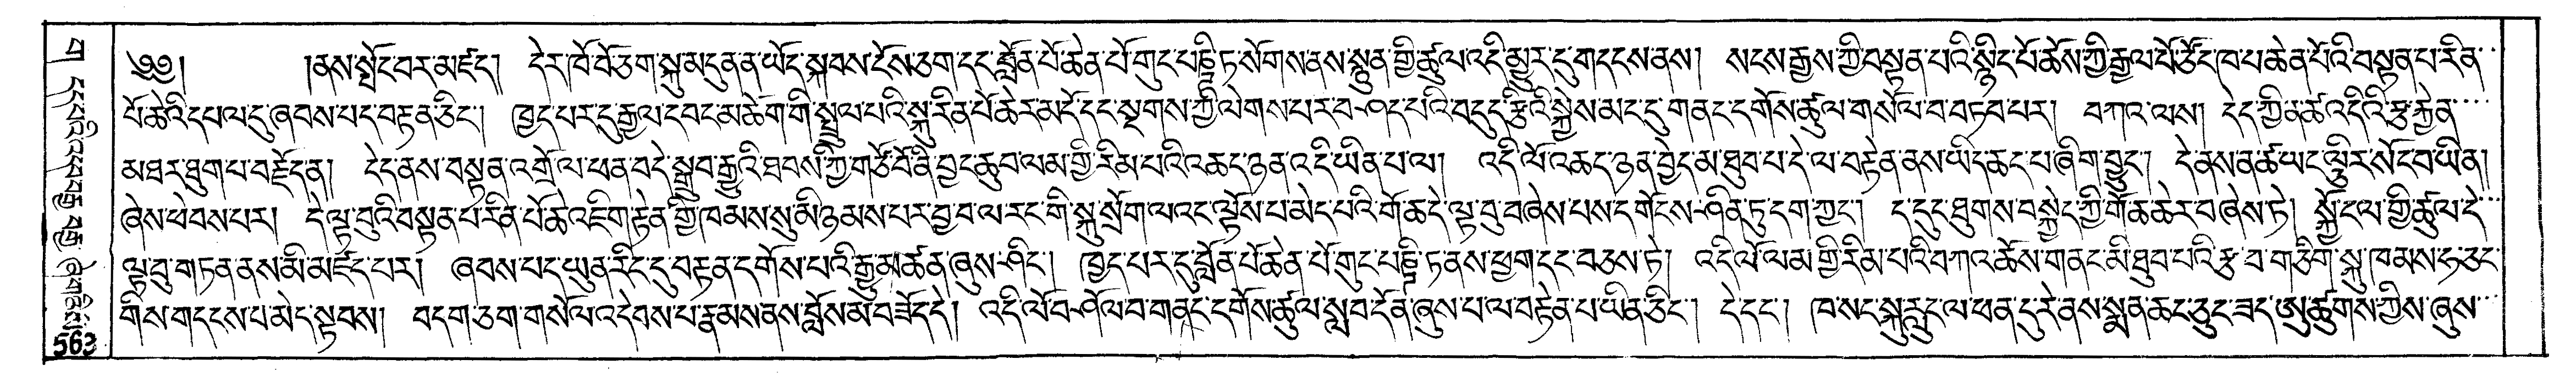༄༅། །ནས་སྦོང་བར་མཛད། དེར་ཁོ་བོ་ཅག་སྐུ་མདུན་ན་ཡོད་སྐབས་ངོས་ཅག་དང་བློན་པོ་ཆེན་པོ་གུང་པཎྜི་ཏ་སོགས་ནས་སྙུན་གྱི་ཚུལ་འདི་མྱུར་དུ་གདངས་ནས། སངས་རྒྱས་ཀྱི་བསྟན་པའི་སྙིང་པོ་ཆོས་ཀྱི་རྒྱལ་པོ་ཙོང་ཁ་བ་ཆེན་པོའི་བསྟན་པ་རིན་
པོ་ཆེའི་དཔལ་དུ་ཞབས་པད་བརྟན་ཅིང་། ཁྱད་པར་དུ་རྒྱལ་དབང་མཆོག་གི་སྤྲུལ་བའི་སྐུ་རིན་པོ་ཆེར་མདོ་དང་སྔགས་ཀྱི་ལེགས་པར་བཤད་པའི་བདུད་རྩིའི་སྐྱེས་མང་དུ་གནང་དགོས་ཚུལ་གསོལ་བ་བཏབ་པར། བཀའ་ལས། ངེད་ཀྱིན་ཚ་འདིའི་རྩ་རྐྱེན་
མཐར་ཐུག་པ་བརྗོད་ན། ངེད་ནས་བསྟན་འགྲོ་ལ་ཕན་བདེ་སྒྲུབ་རྒྱུའི་ཐབས་ཀྱི་གཙོ་བོ་ནི་བྱང་ཆུབ་ལམ་གྱི་རིམ་པའི་འཆད་ཉན་འདི་ཡིན་པ་ལ། འདི་ལོ་འཆད་ཉན་བྱེད་མ་ཐུབ་པ་དེ་ལ་བརྟེན་ནས་ཡིད་ཆད་པ་ཞིག་བྱུང་། དེ་ནས་ན་ཚ་ཡང་ལྕིར་སོང་པ་ཡིན།
ཞེས་ཕེབས་པར། དེ་ལྟ་བུའི་བསྟན་པ་རིན་པོ་ཆེ་འཇིག་རྟེན་གྱི་ཁམས་སུ་མི་ཉམས་པར་བྱ་བ་ལ་རང་གི་སྐུ་སོག་ལའང་ལྟོས་པ་མེད་པའི་གོ་ཆ་དེ་ལྟ་བུ་བཞེས་པས་དགོངས་ཤིན་ཏུ་དག་ཀྱང་། ད་དུང་ཐུགས་བསྐྱེད་ཀྱི་གོ་ཆ་ཆེར་བཞེས་ཏེ། སྐྱོ་ངལ་གྱི་ཚུལ་དེ་
ལྟ་བུ་གཏན་ནས་མི་མཛད་པར། ཞབས་པད་ཡུན་རིང་དུ་བརྟན་དགོས་པའི་རྒྱུ་མཚན་ཞུས་ཤིང་། ཁྱད་པར་དུ་བློན་པོ་ཆེན་པོ་གུང་པཎྜི་ཏ་ནས་ཕྱག་དང་བཅས་ཏེ། འདི་ལོ་ལམ་གྱི་རིམ་པའི་བཀའ་ཆོས་གནང་མི་ཐུབ་པའི་རྩ་བ་གཅིག་སྐུ་ཁམས་ཧ་ཅང་
གིས་གདངས་པ་མེད་སྟབས། བདག་ཅག་གསོལ་འདེབས་པ་རྣམས་ནས་བློས་མ་བཟོད་དེ། འདི་ལོ་བཤོལ་བ་གནང་དགོས་ཚུལ་སླབ་དོན་ཞུས་པ་ལ་བརྟེན་པ་ཡིན་ཅིང་། དེ་དང་། ཁ་སང་སྐུ་རླུང་ལ་ཕན་དུ་རེ་ནས་སྨན་ཆང་ཅུང་ཟད་ཨུ་ཚུགས་ཀྱིས་ཞུས་